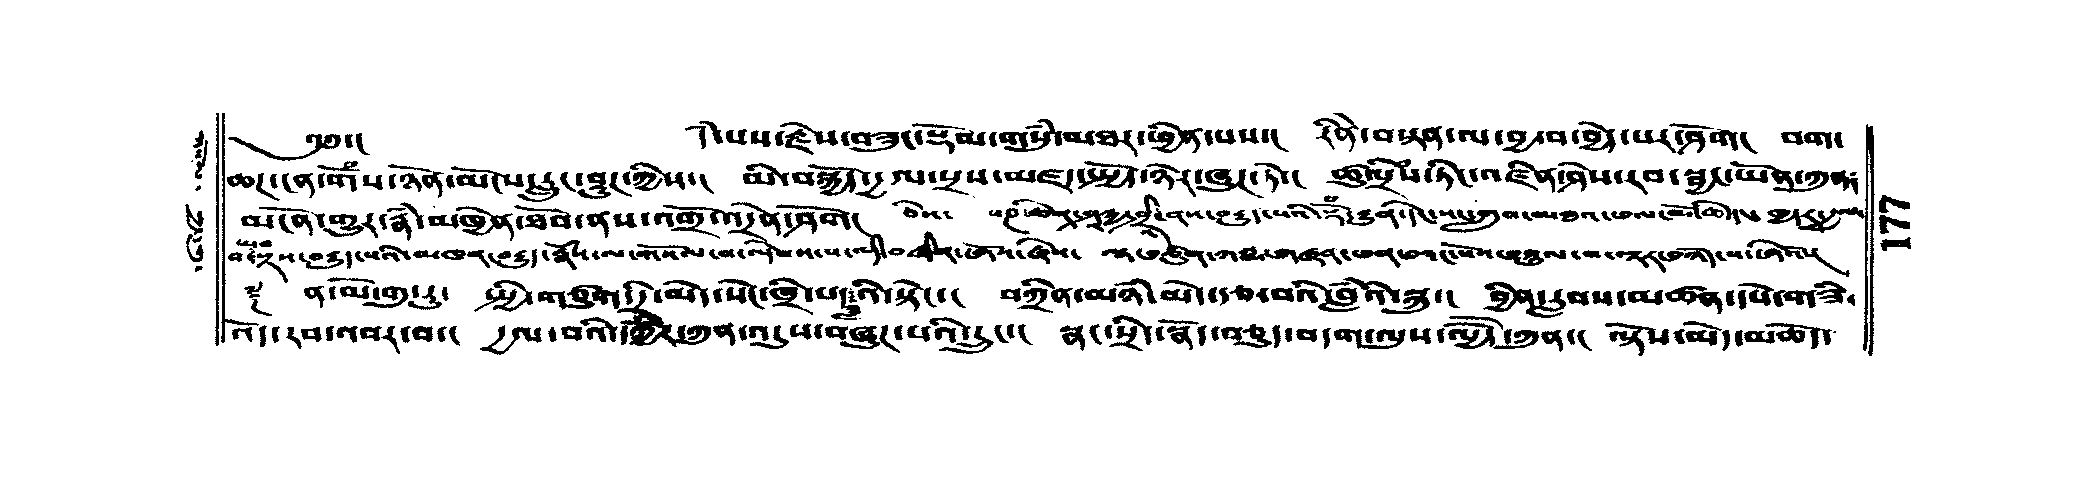།དམ་པས་རྗེས་བཟུང་སྡོམ་གསུམ་མཐར་ཕྱིན་པས། །རིན་ཆེན་བསྟན་ལ་བྱ་བ་བྱེད་པར་ཤོག།བག་
ཆགས་ངན་གོམས་ཉོན་མོངས་རླུང་ཤུགས་ཀྱིས། །མི་བསྐྱོད་རྒྱལ་སྲས་མཛད་སྤྱོད་ཉེར་ཞུགས་ཏེ། །ཚུལ་ཁྲིམས་ཏིང་འཛིན་ཤེས་རབ་སྦྱངས་ཡོན་ཀུན། །
མངོན་གྱུར་རྣམ་མཁྱེན་ཐོབ་ནས་འགྲོ་འདྲེན་ཤོག ཅེས་པཎ་ཆེན་ཤཱཀྱ་ཤྲཱི་ནས་བརྒྱུད་པའི་སྡོམ་རྒྱུན་དེང་སང་གྲུབ་མཐའ་ཕལ་མོ་ཆེ་དང་། ཁྱད་པར་རྒྱལ་
བ་ཡབ་སྲས་བརྒྱུད་པའི་མཁན་བརྒྱུད་རྣམས་ལ་གསོལ་བ་འདེབས་པ་འདི་བཞིན་དགོས་ཞེས། ལྷ་བཙུན་ཀརྨ་གཞན་ཕན་བཟང་པོས་བསྐུལ་བ་ལྟར་བཀོད་པ་དགེའོ།། 
༈ ན་མོ་གུ་རུ། སྤྱི་གཙུག་དྲི་མེད་སེང་ཁྲི་པད་ཟླའི་སྟེང་། །བཀའ་དྲིན་མཉམ་མེད་རྩ་བའི་བླ་མའི་སྐུ། །བྱིན་རླབས་མཚན་དཔེ་གཟི་
འོད་རབ་འབར་བ། །རྒྱལ་བའི་དཀྱིལ་འཁོར་ཀུན་འདུས་བཞུགས་པའི་དྲུང་། །སྣང་སྲིད་སྣོད་བཅུད་བདག་ལུས་ལོངས་སྤྱོད་ཀུན། །ལྟོས་མེད་མཆོད་